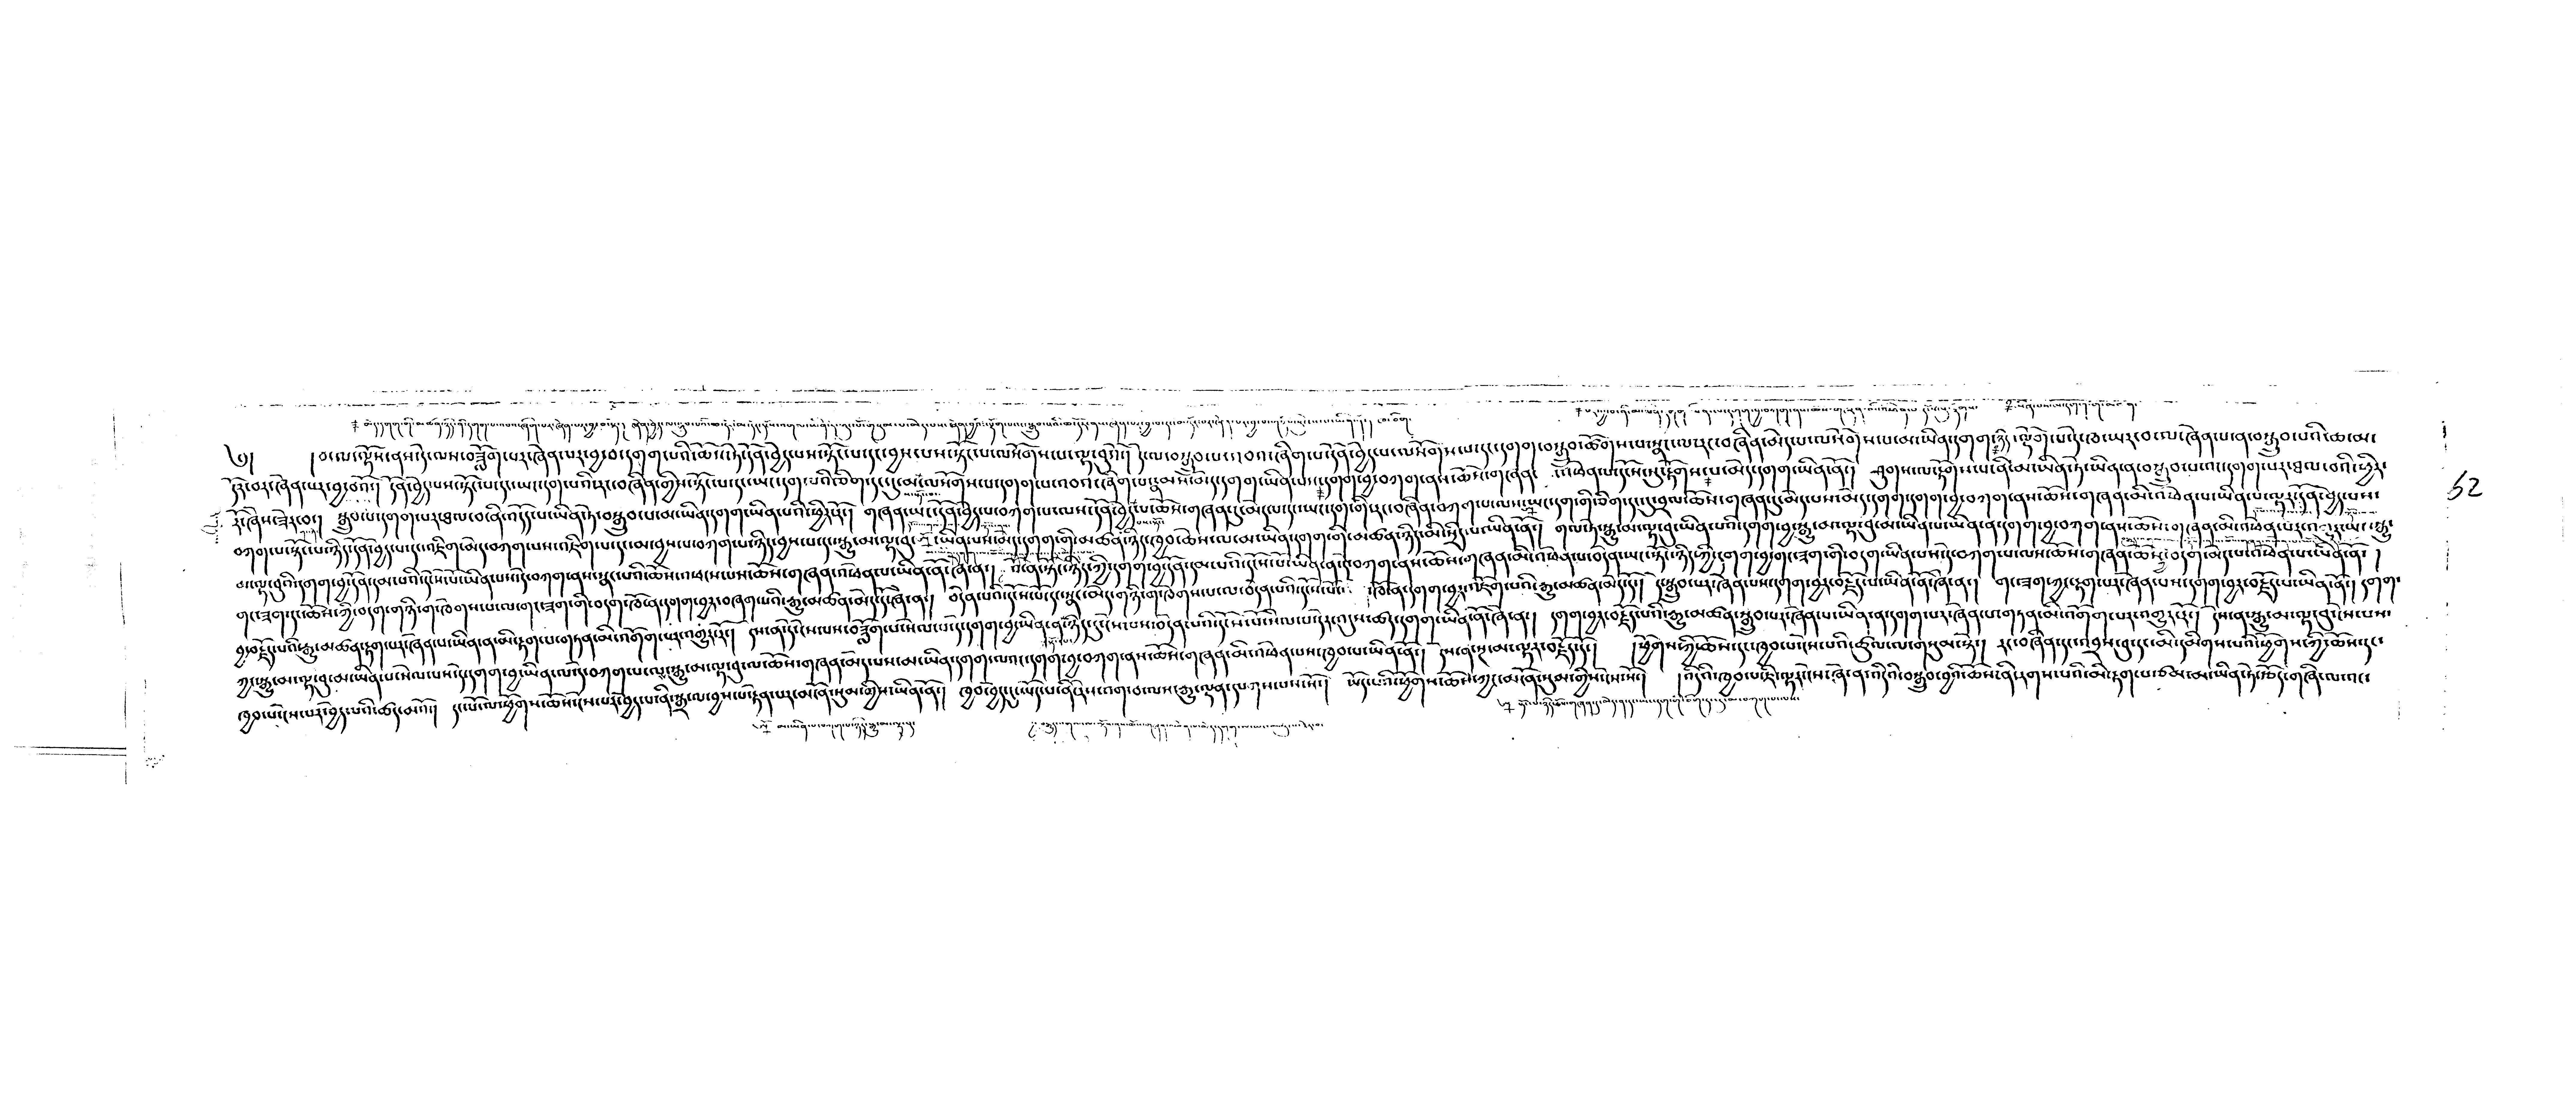༈། །བ་ལ་ལྟོས་ནས་དེ་ལས་བཟློག་པར་ཞེན་པར་བྱ་བ་དགག་པའི་ཆོས་ཏེ་དོན་བྱེད་པས་སྟོང་པ་དང་བྱས་པས་སྟོང་པ་ལ་སོགས་པ་ལྟ་བུའོ། དེ་ལ་བསྒྲུབ་པ་འབའ་ཞིག་པ་དོན་བྱེད་པ་ལ་སོགས་པ་དང་དགག་བསྒྲུབ་ཚོགས་པ་སྣང་ལ་རང་བཞིན་མེད་པ་ལ་སོགས་པ་མ་ཡིན་དགག་?་ཉིད་ལྡོག་པ་དེ་ཁ་ཡར་བ་ལ་ཞེན་པ་ན་བསྒྲུབ་པའི་ཆ་མ་
དོར་བར་ཞེན་པར་བྱ་བའོ། དོན་བྱེད་པས་སྟོང་པ་དང་ཡང་དག་པའི་རང་བཞིན་གྱིས་སྟོང་པ་དང་ཡང་དག་པའི་ཅིག་དང་དུ་མ?་ལ་སོགས་པ་དགག་པ་འབའ་ཞིག་པ་རྣམས་མེད་དགག་ཡིན་པས་དགག་བྱ་བཀག་ནས་ཆོས་གཞན་?འཕེན་པ་དངོས་སུ་རྟོགས་པ་མེད་དགག་ཡིན་ནོ། ཤུགས་ལ་རྟོགས་པ་ནི་མ་ཡིན་ཏེ་ཡིན་ན་བསྒྲུབ་པ་འང་དགག་པར་ཐལ་བའི་ཕྱིར་
རོ་ཞེས་ཟེར་བ། སྒྲུབ་པ་དགག་པར་ཐལ་བ་ནི་འདོད་པ་ཡིན་ཏེ་བསྒྲུབ་པ་མ་ཡིན་དགག་ཡིན་པའི་ཕྱིར་རོ། གཞན་ཡང་དོན་བྱེད་པ་བཀག་པ་ལས་དོན་བྱེད་པ་ཆོས་གཞན་དུ་མེད་པ་དང་ཡང་དག་གི་རང་བཞིན་བཀག་པ་ལས་ཡང་དག་གི་ཅིག་དང་དུ་བྲལ་ཆོས་གཞན་དུ་མེད་པས་མེད་དགག་དགག་བྱ་བཀག་ནས་ཆོས་གཞན་མི་འཕེན་པ་ཡིན་པ་ལྟར་དོན་བྱེད་པས་
བཀག་པ་སྟོང་པ་ཉིད་དོན་བྱེད་པ་དང་འཇིག་མེད་བཀག་པས་འཇིག་པ་དང་མ་བྱས་པ་བཀག་པ་ཉིད་བྱས་པ་དང་སྒྱུ་མ་ལྟ་བུ་?་ཡིན་པས་མེད་དགག་གི་མཚན་ཉིད་ཁྱབ་ཆེས་ལ་མ་ཡིན་དགག་གི་མཚན་ཉིད་མི་སྲིད་པ་ཡིན་ནོ། གལ་ཏེ་སྒྱུ་མ་ལྟ་བུ་ཡིན་པའི་དགག་བྱ་སྒྱུ་མ་ལྟ་བུ་མ་ཡིན་པ་ཡིན་ན་དགག་བྱ་བཀག་ནས་ཆོས་གཞན་མི་འཕེན་པར་འགྱུར་ཡང་སྒྱུ་
མ་ལྟ་བུའི་དགག་བྱ་དོན་དམ་པའི་དངོས་པོ་ཡིན་པས་དེ་བཀག་ནས་སྣང་པའི་ཆོས་འཕངས་པས་ཆོས་གཞན་འཕེན་པ་ཡིན་ནོ་ཞེ་ན། འོ་ན་སྟོང་ཉིད་ཀྱི་དགག་བྱ་དོན་དམ་པའི་དངོས་པོ་ཡིན་ན་དེ་བཀག་ནས་ཆོས་གཞན་མི་འཕེན་པ་བདེན་ཡང་སྟོང་ཉིད་ཀྱི་དགག་བྱ་གང་ཟག་གི་བདག་ཡིན་པས་དེ་བཀག་པ་ལས་ཆོས་གཞན་ཆོས་ཀྱི་བདག་མེད་པ་འཕེན་པ་ཡིན་ནོ།
གང་ཟག་དང་ཆོས་ཀྱི་བདག་གཉི་ག་ཁེགས་པ་ལ་གང་ཟག་གི་བདག་ཁོ་ན་དགག་བྱར་བཞག་པའི་རྒྱུ་མཚན་མེད་དོ་ཞེ་ན། བདེན་པའི་དངོས་པོ་དང་སྣང་མེད་གཉི་ག་ཁེགས་པ་ལ་བདེན་པའི་དངོས་པོ་ཁོ་ན་དགག་བྱར་འཇོག་པའི་རྒྱུ་མཚན་མེད་དོ། དེ་སྒྲུབ་པར་ཞེན་པས་དགག་བྱར་བརྗོད་པ་ཡིན་ནོ་ཞེ་ན། གང་ཟག་ཀྱང་རྟག་པར་ཞེན་པས་དགག་བྱར་བརྗོད་པ་ཡིན་ནོ། དགག་
བྱ་བརྗོད་པའི་རྒྱུ་མཚན་རྟག་པར་ཞེན་པ་ཡིན་ན་མི་རྟག་པ་གཏན་མི་འགོག་པར་འགྱུར་རོ། དེས་ན་དེ་ངེས་པས་བཟློག་པ་སེལ་པ་དེ་དགག་བྱ་ཡིན་ན་ཉིད་དུ་ངེས་པས་བདེན་པའི་དངོས་པོ་སེལ་པ་དེར་འདུས་ཚད་དགག་ཡིན་ནོ་ཞེ་ན། དགག་བྱར་བརྗོད་པའི་རྒྱུ་མཚན་སྒྲུབ་པར་ཞེན་པ་ཡིན་ན་དགག་པར་ཞེན་པ་གཏན་མི་འགོག་པར་འགྱུར་རོ། དེས་ན་སྒྱུ་མ་ལྟ་བུ་ངེས་པས་
ཀྱང་སྒྱུ་མ་ལྟ་བུ་མ་ཡིན་པ་སེལ་པས་དེ་དགག་བྱ་ཡིན་ལ་དེ་བཀག་པ་ལས་སྒྱུ་མ་ལྟ་བུ་ལ་ཆོས་གཞན་མེད་པས་མ་ཡིན་དགག་ལའང་དགག་བྱ་བཀག་ནས་ཆོས་གཞན་མི་འཕེན་པས་ཁྱབ་པ་ཡིན་ནོ། དེས་ན་སྔ་མ་ལྟར་བརྗོད་དོ། །ཕྱོགས་ཀྱི་ཆོས་དང་ཁྱབ་པ་ངེས་པའི་ཚུལ་ལ་གསུམ་སྟེ། རང་བཞིན་དང་འབྲས་བུ་དང་མི་དམིགས་པའི་ཕྱོགས་ཀྱི་ཆོས་དང་
ཁྱབ་པ་ངེས་པར་བྱེད་པའི་ཚད་མའོ། དང་པོ་ལ་ཕྱོགས་ཆོས་ངེས་པར་བྱེད་པ་ནི་སྒྲ་ལ་བྱས་པ་རྟེན་པར་མངོན་སུམ་གྱིས་ཡིན་ནོ། ཁྱབ་བྱེད་དུ་ཡོད་པ་ནི་རེས་འག་བ་ལས་རྒྱུ་ལྡན་དཔགས་པས་སོ། ཡོད་པའི་ཕྱོགས་ཆོས་ཀྱང་མངོན་སུམ་གྱིས་ངེས་སོ། །འདིའི་ཁྱབ་པ་ཇི་ལྟར་ངེས་ཞེ་ན་འདིའི་བསྒྲུབ་བྱའི་ཆོས་ནི་རགས་པའི་མི་རྟག་པ་ཙམ་མ་ཡིན་ཏེ་རྩོད་གཞི་ལ་འང་